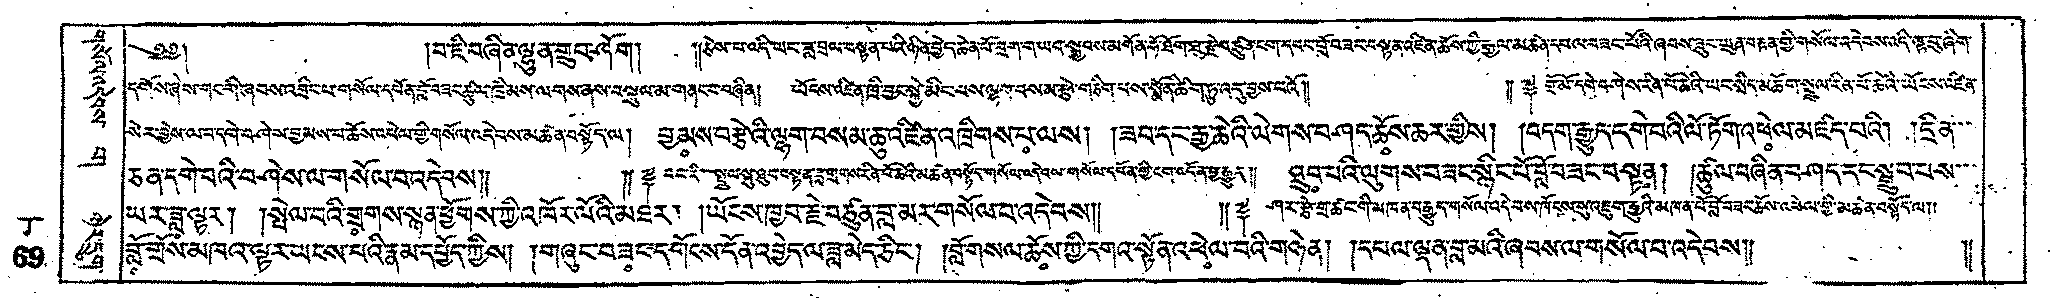༄༅། །བ་ཇི་བཞིན་ལྷུན་གྲུབ་ཤོག །།ཅེས་པ་འདི་ཡང་ཟླ་བྲལ་བསྟན་པའི་ཉིན་བྱེད་ཆེན་པོ་བྲག་གཡབ་སྐྱབས་མགོན་ཧོ་ཐོག་ཐུ་རྗེ་བཙུན་ངག་དབང་བློ་བཟང་བསྟན་འཛིན་ཆོས་ཀྱི་རྒྱལ་མཚན་དཔལ་བཟང་པོའི་ཞབས་ཟུང་ཡུན་བརྟན་གྱི་གསོལ་འདེབས་འདི་ལྟ་བུ་ཞིག་
དགོས་ཞེས་གང་གི་ཞབས་འབྲིང་པ་གསོལ་དཔོན་བློ་བཟང་ཚུལ་ཁྲིམས་ལགས་ནས་བསྐུལ་མ་གནང་བ་བཞིན། ཡོངས་འཛིན་ཁྲི་བྱང་སྐྱེ་མིང་པས་ལྷག་བསམ་རྩེ་གཅིག་པས་སྨོན་ཚིག་ཏུ་འདུ་བྱས་པའོ།། །། འགྲོ་མོ་དགེ་བཤེས་རིན་པོ་ཆེའི་ཡང་སྲིད་མཆོག་སྤྲུལ་རིན་པོ་ཆེའི་ཡོངས་འཛིན་
སེར་བྱེས་ལ་བ་དགེ་བཤེས་བྱམས་པ་ཆོས་འཕེལ་གྱི་གསོལ་འདེབས་མཚན་བསྟོད་ལ། བྱམས྾་བརྩེའི་ལྷག་བསམ་ཆུ་འཛིན་འཁྲིགས་པ྾་ལས། །ཟབ་དང་རྒྱ་ཆེའི་ལེགས་བཤད་ཆོས྾་ཆར་གྱིས། །བདག་རྒྱུད་དགེ་བའི་ལོ་ཏོག་འཕེལ྾་མཛད་པའི། །དྲིན་་་
ཅན་དགེ་བའི་བཤེས་ལ་གསོལ་བ་འདེབས།། །། འ་བང་རི་་་སྤྲུལ་སྐུ་ཐུབ་བསྟན་ཟླ་གྲགས་རིན་པོ་ཆེའི་མཚན་བསྟོད་གསོལ་འདེབས་གསོལ་དཔོན་གྱི་ངག་འདོན་བྱ་རྒྱུར།།  ཐུབ྾་པའི་ལུགས་བཟང་སྙིང་པོ་བློ་བཟང་བསྟན྾། །ཚུལ་བཞིན་བཤད་དང་སྒྲུབ་པས་་་
ཡར་ཟླ྾་ལྟར། །སྤེལ་བའི་གྲགས྾་སྙན་ཕྱོགས་ཀྱི་འཁོར་ལོའི་མཐར། །ཡོངས་ཁྱབ་རྗེ་བཙུན་བླ་མར་གསོལ་བ་འདེབས།། །། འ་ཤར་རྩེ་གྲ་ཚང་གི་མཁན་བརྒྱུད་གསོལ་འདེབས་ཁོངས་སུ་འཇུག་རྒྱུའི་མཁན་པོ་བློ་བཟང་ཆོས་འཕེལ་གྱི་མཚན་བསྟོད་ལ།།
བློ྾་གྲོས་མཁའ་ལྟར་ཡངས་པའི་རྣམ་དཔྱོད་ཀྱིས། །གཞུང་བཟང྾་དགོངས་དོན་འབྱེད་ལ་ཟླ་མེད་ཅིང་། །བློ་གསལ་ཆོས྾་ཀྱི་དགའ་སྟོན་འཕེལ྾་བའི་གཉེན། །དཔལ་ལྡན་བླ་མའི་ཞབས་ལ་གསོལ་བ་འདེབས།། །།